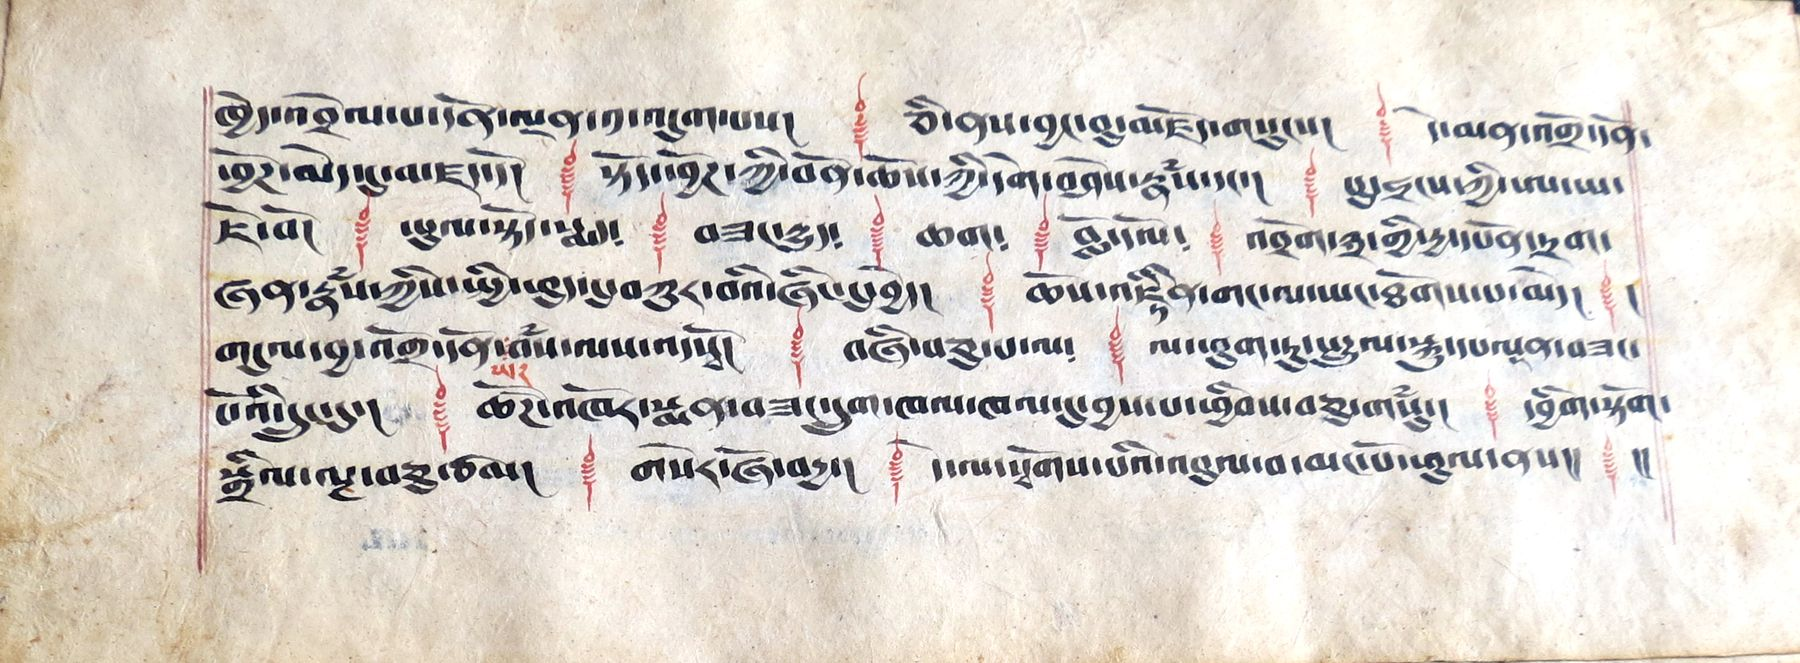ཁྱེད་འབྲེལ་བ་དོན་ལྡན་ཞིག་འདུག་པས། ཅིས་ཀྱང་བྱང་བུར་མཛོད་གསུངས། དེ་མན་འགྲོ་དོན་
ཕྱོགས་མེད་དུ་མཛད་དོ། ། སྟོད་ཕྱོགས་ཀྱི་བོན་ཆོས་ཀྱི་དགེ་བཤེས་རྣམས་དང་། པུ་ཧྲང་གི་ཨ་ཡ་
ཇོ་བོ། ཡུལ་སྟོད་སྨད། བཟང་རྒྱུད། ཆག་གློ་དོལ་འབྲོག་གསུམ་གྱི་རྒྱ་དཔོན་དྲག་
ཞན་རྣམས་ཀྱིས། སྤྱི་ཕུད་དུ་བཀུར་བའི་ཞིང་དུ་བྱེད། བོན་འཇིག་རྟེན་གང་ལ་ཡང་ཐོགས་པ་མེད། 
གདུལ་བྱ་འགྲོ་དོན་ཡང་བསམ་ལས་འདས་སོ། ། བཞི་བཅུ་པ་ལ་ལ་ཕུག་ཏུ་སྤྲུལ་སྐུ་དཔལ་ལྡན་བཟང་
པོའི་དྲུང་དུ། ཚོགས་འཁོར་སྨན་བཟང་དྲུག་ཁལ་དུ་བྱས་པ་དང་། ཆིབས་བཅུ་གསུམ། དབྱིག་རྡོག་
སྒྲིལ་བ་ལྔ་བཅུ་ཙམ། གསེར་ཞོ་བརྒྱ། དེ་ལས་སོགས་པའི་འབུལ་བ་མང་པོ་ཕུལ་ནས།